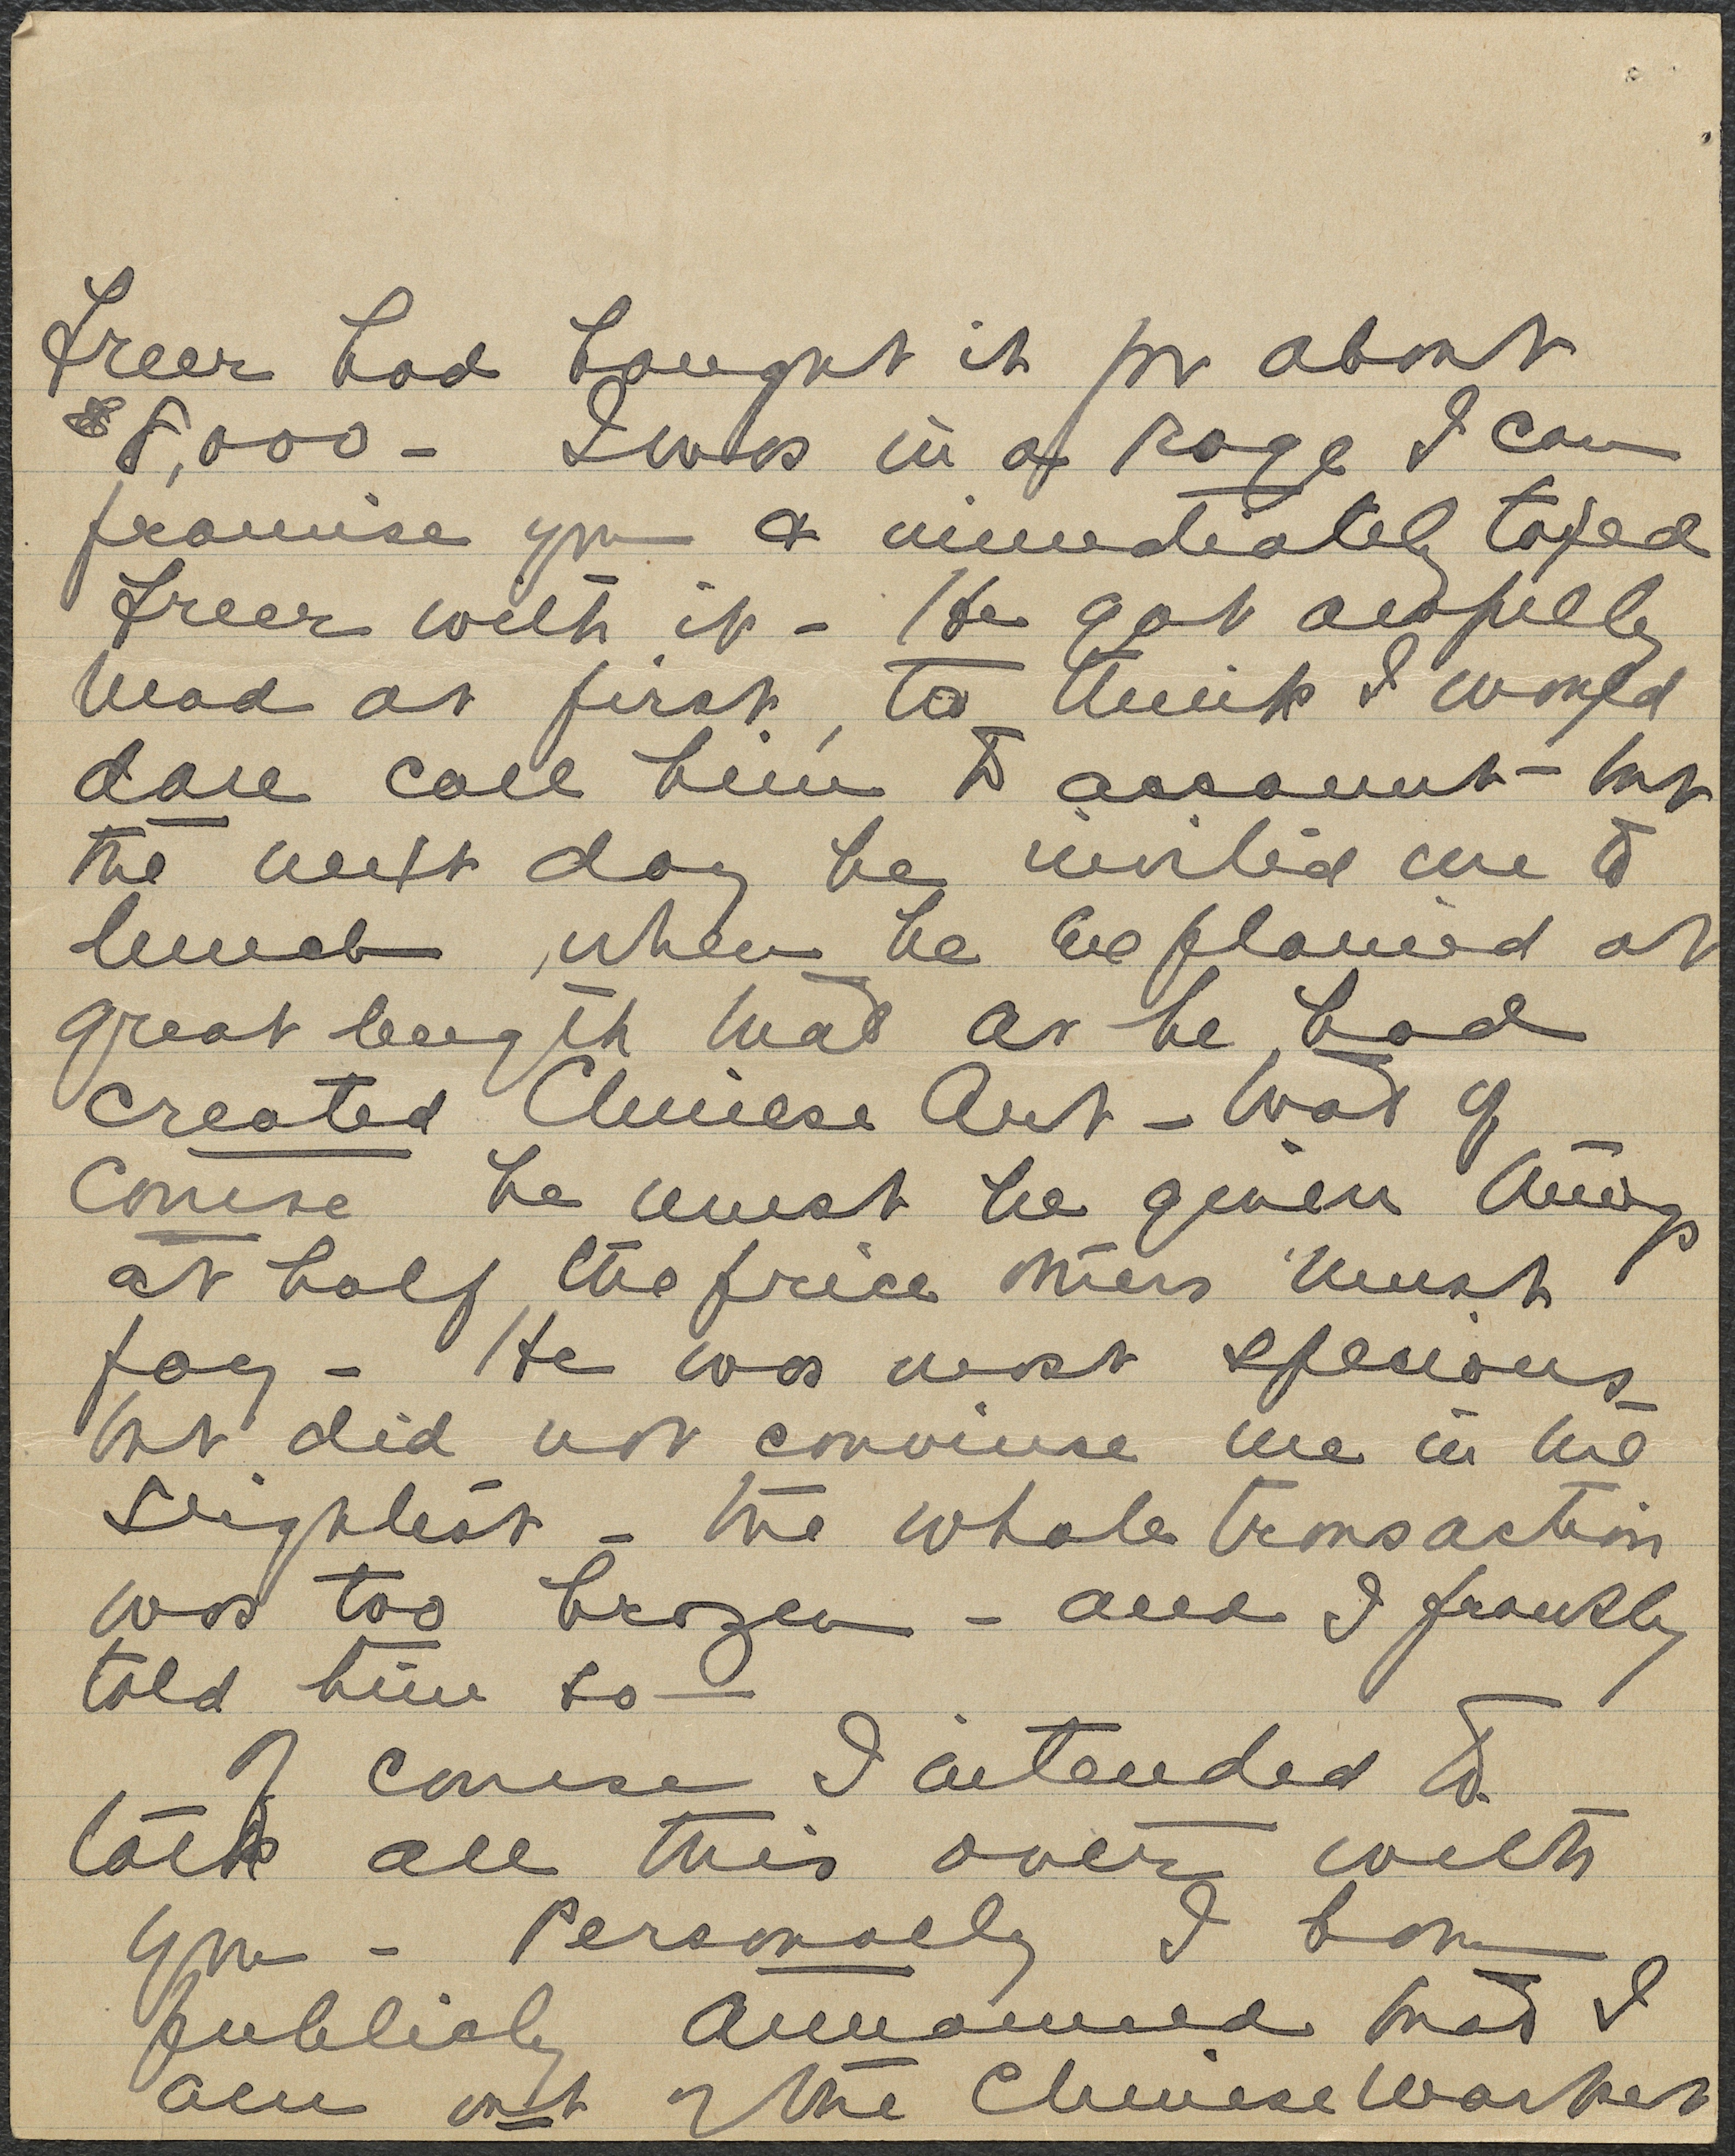Freer had bought it for about $8,000 – I was in a rage I can promise you & immediately taxed Freer with it – He got awfully mad at first, to think I would dare call him to account – but the next day he invited me to lunch when he explained at great length that as he had created Chinese Art – that of course he must be given things at half the price others must pay – He was most specious but did not convince me in the slightest – the whole transaction was too brazen – and I frankly told him so –
of course I intended to talk all this over with you – Personally I have publicly announced that I am out of the Chinese market